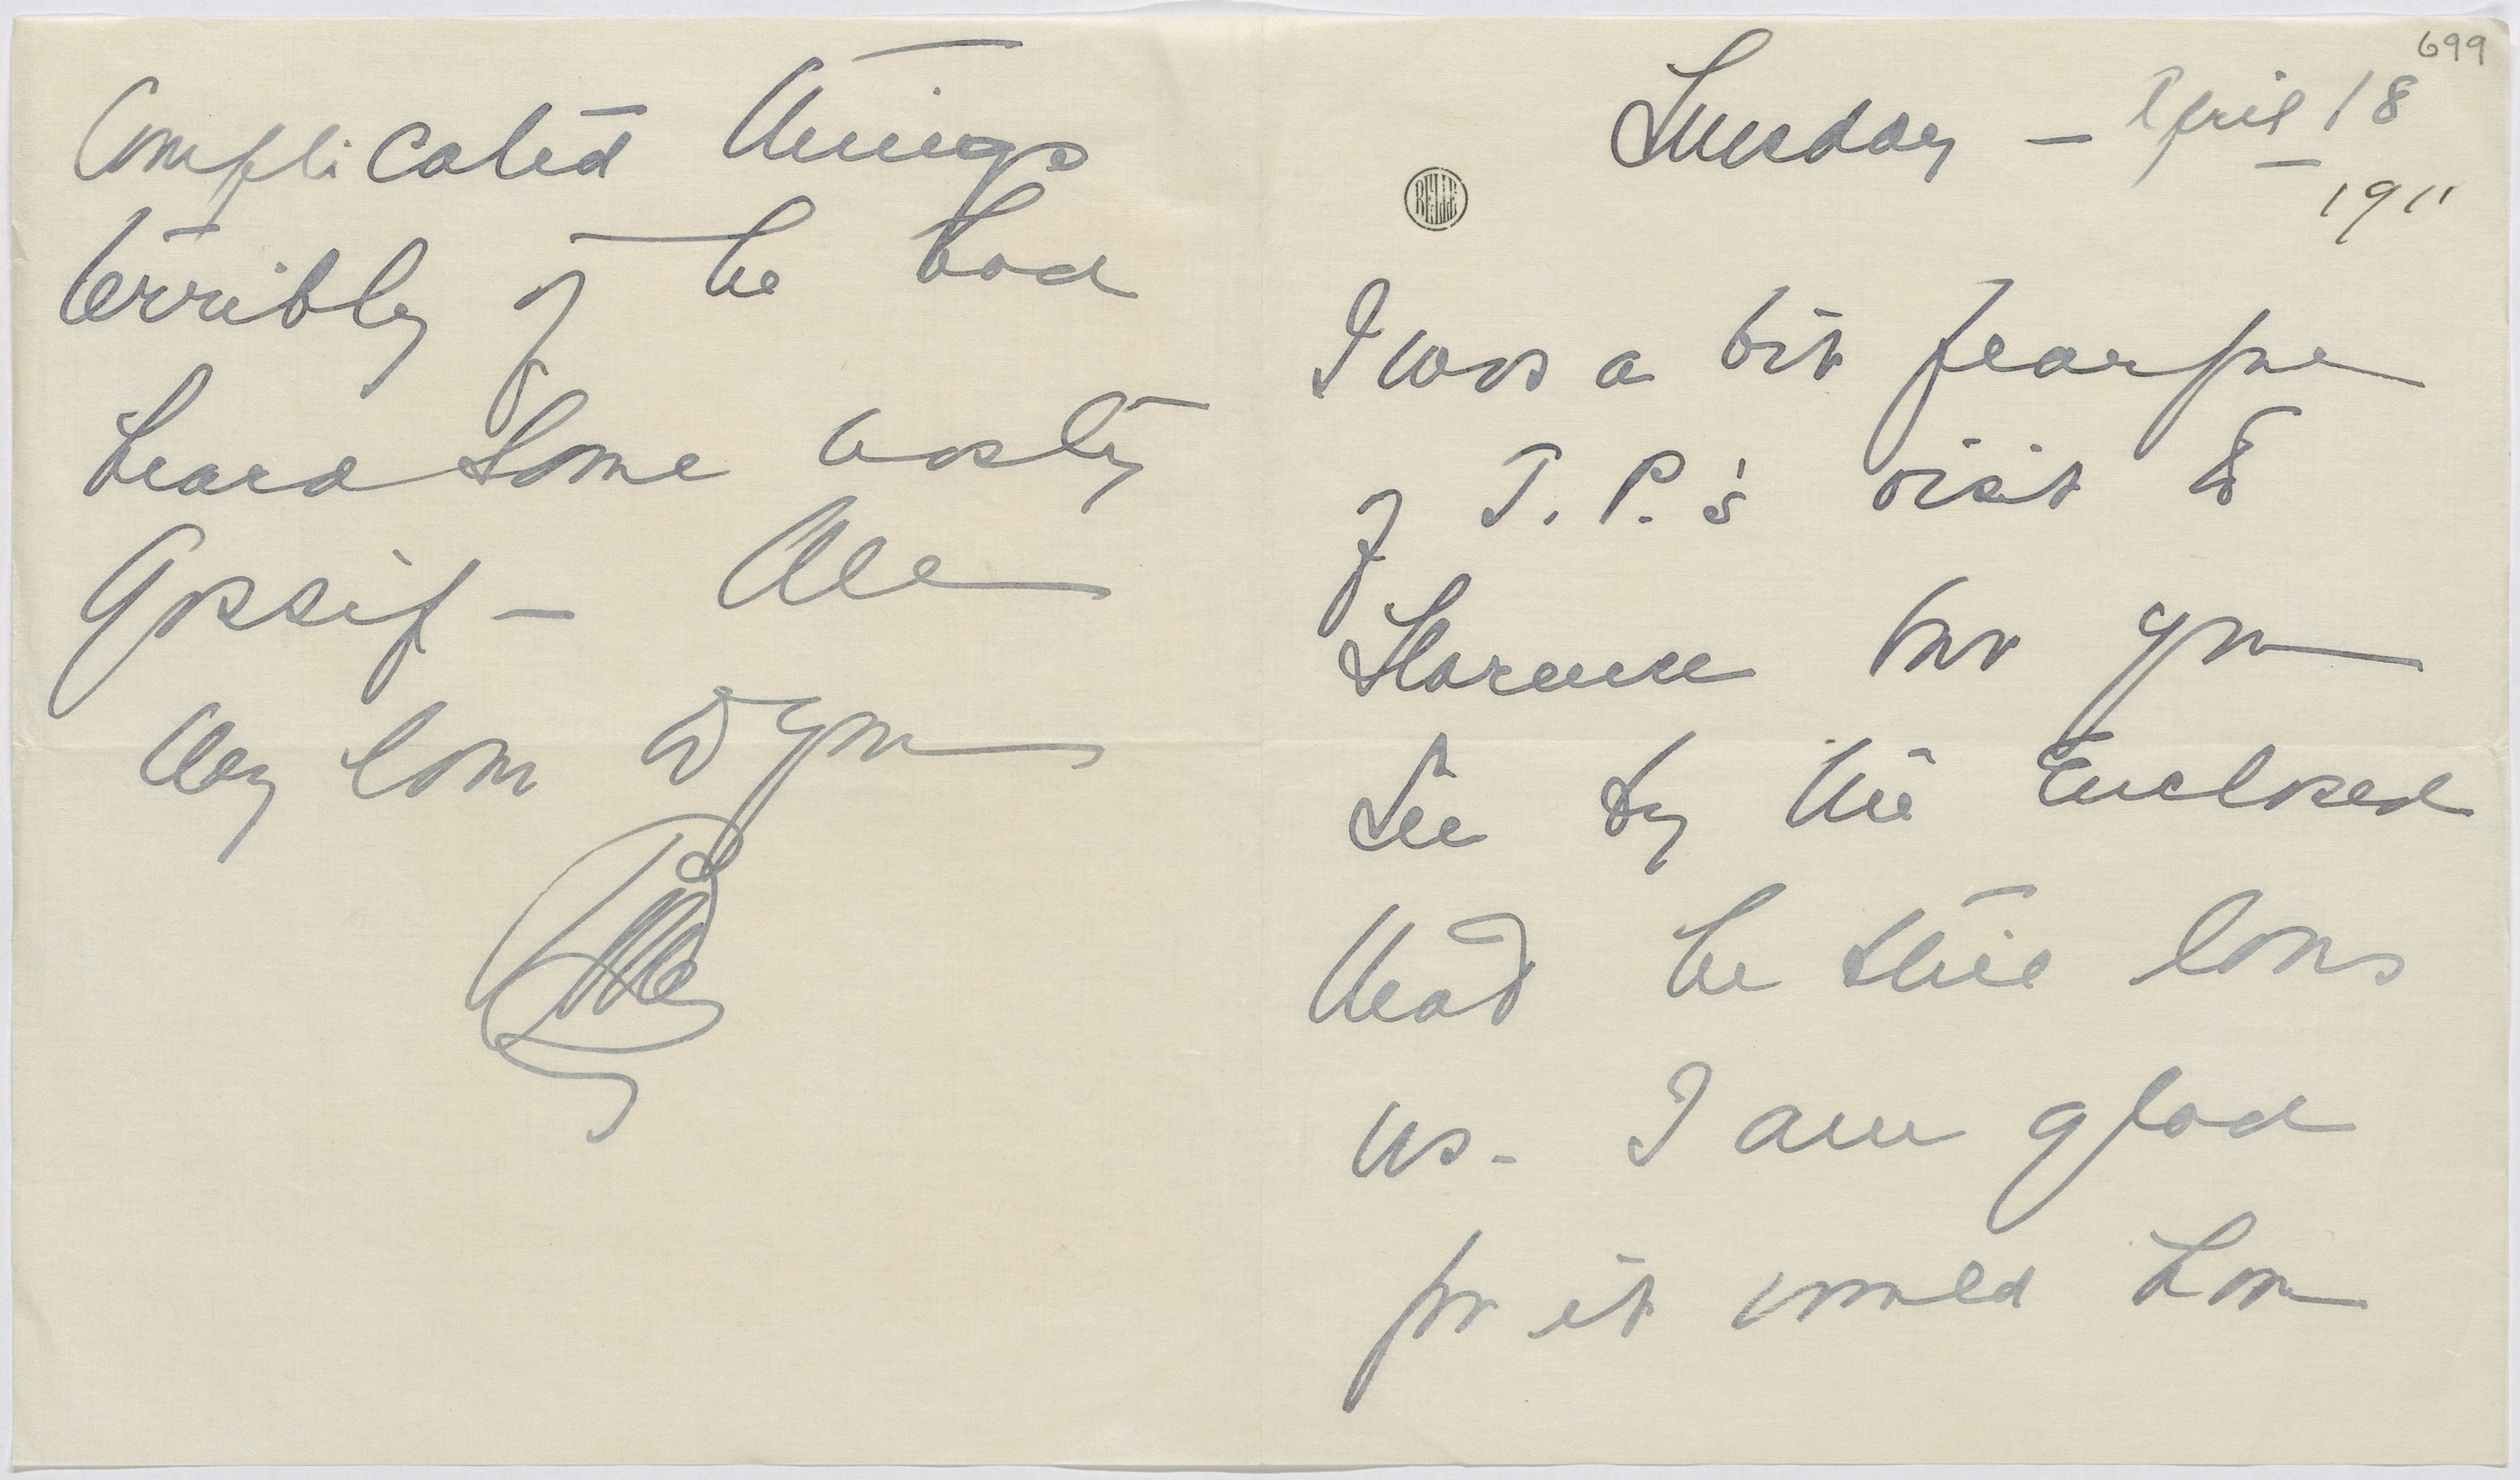Tuesday – April 18
—
I was a bit fearful of J. P.’s visit to Florence but you see by the enclosed that he still loves us – I am glad for it would have
complicated things terribly if he had heard some nasty gossip – All my love to you
Belle